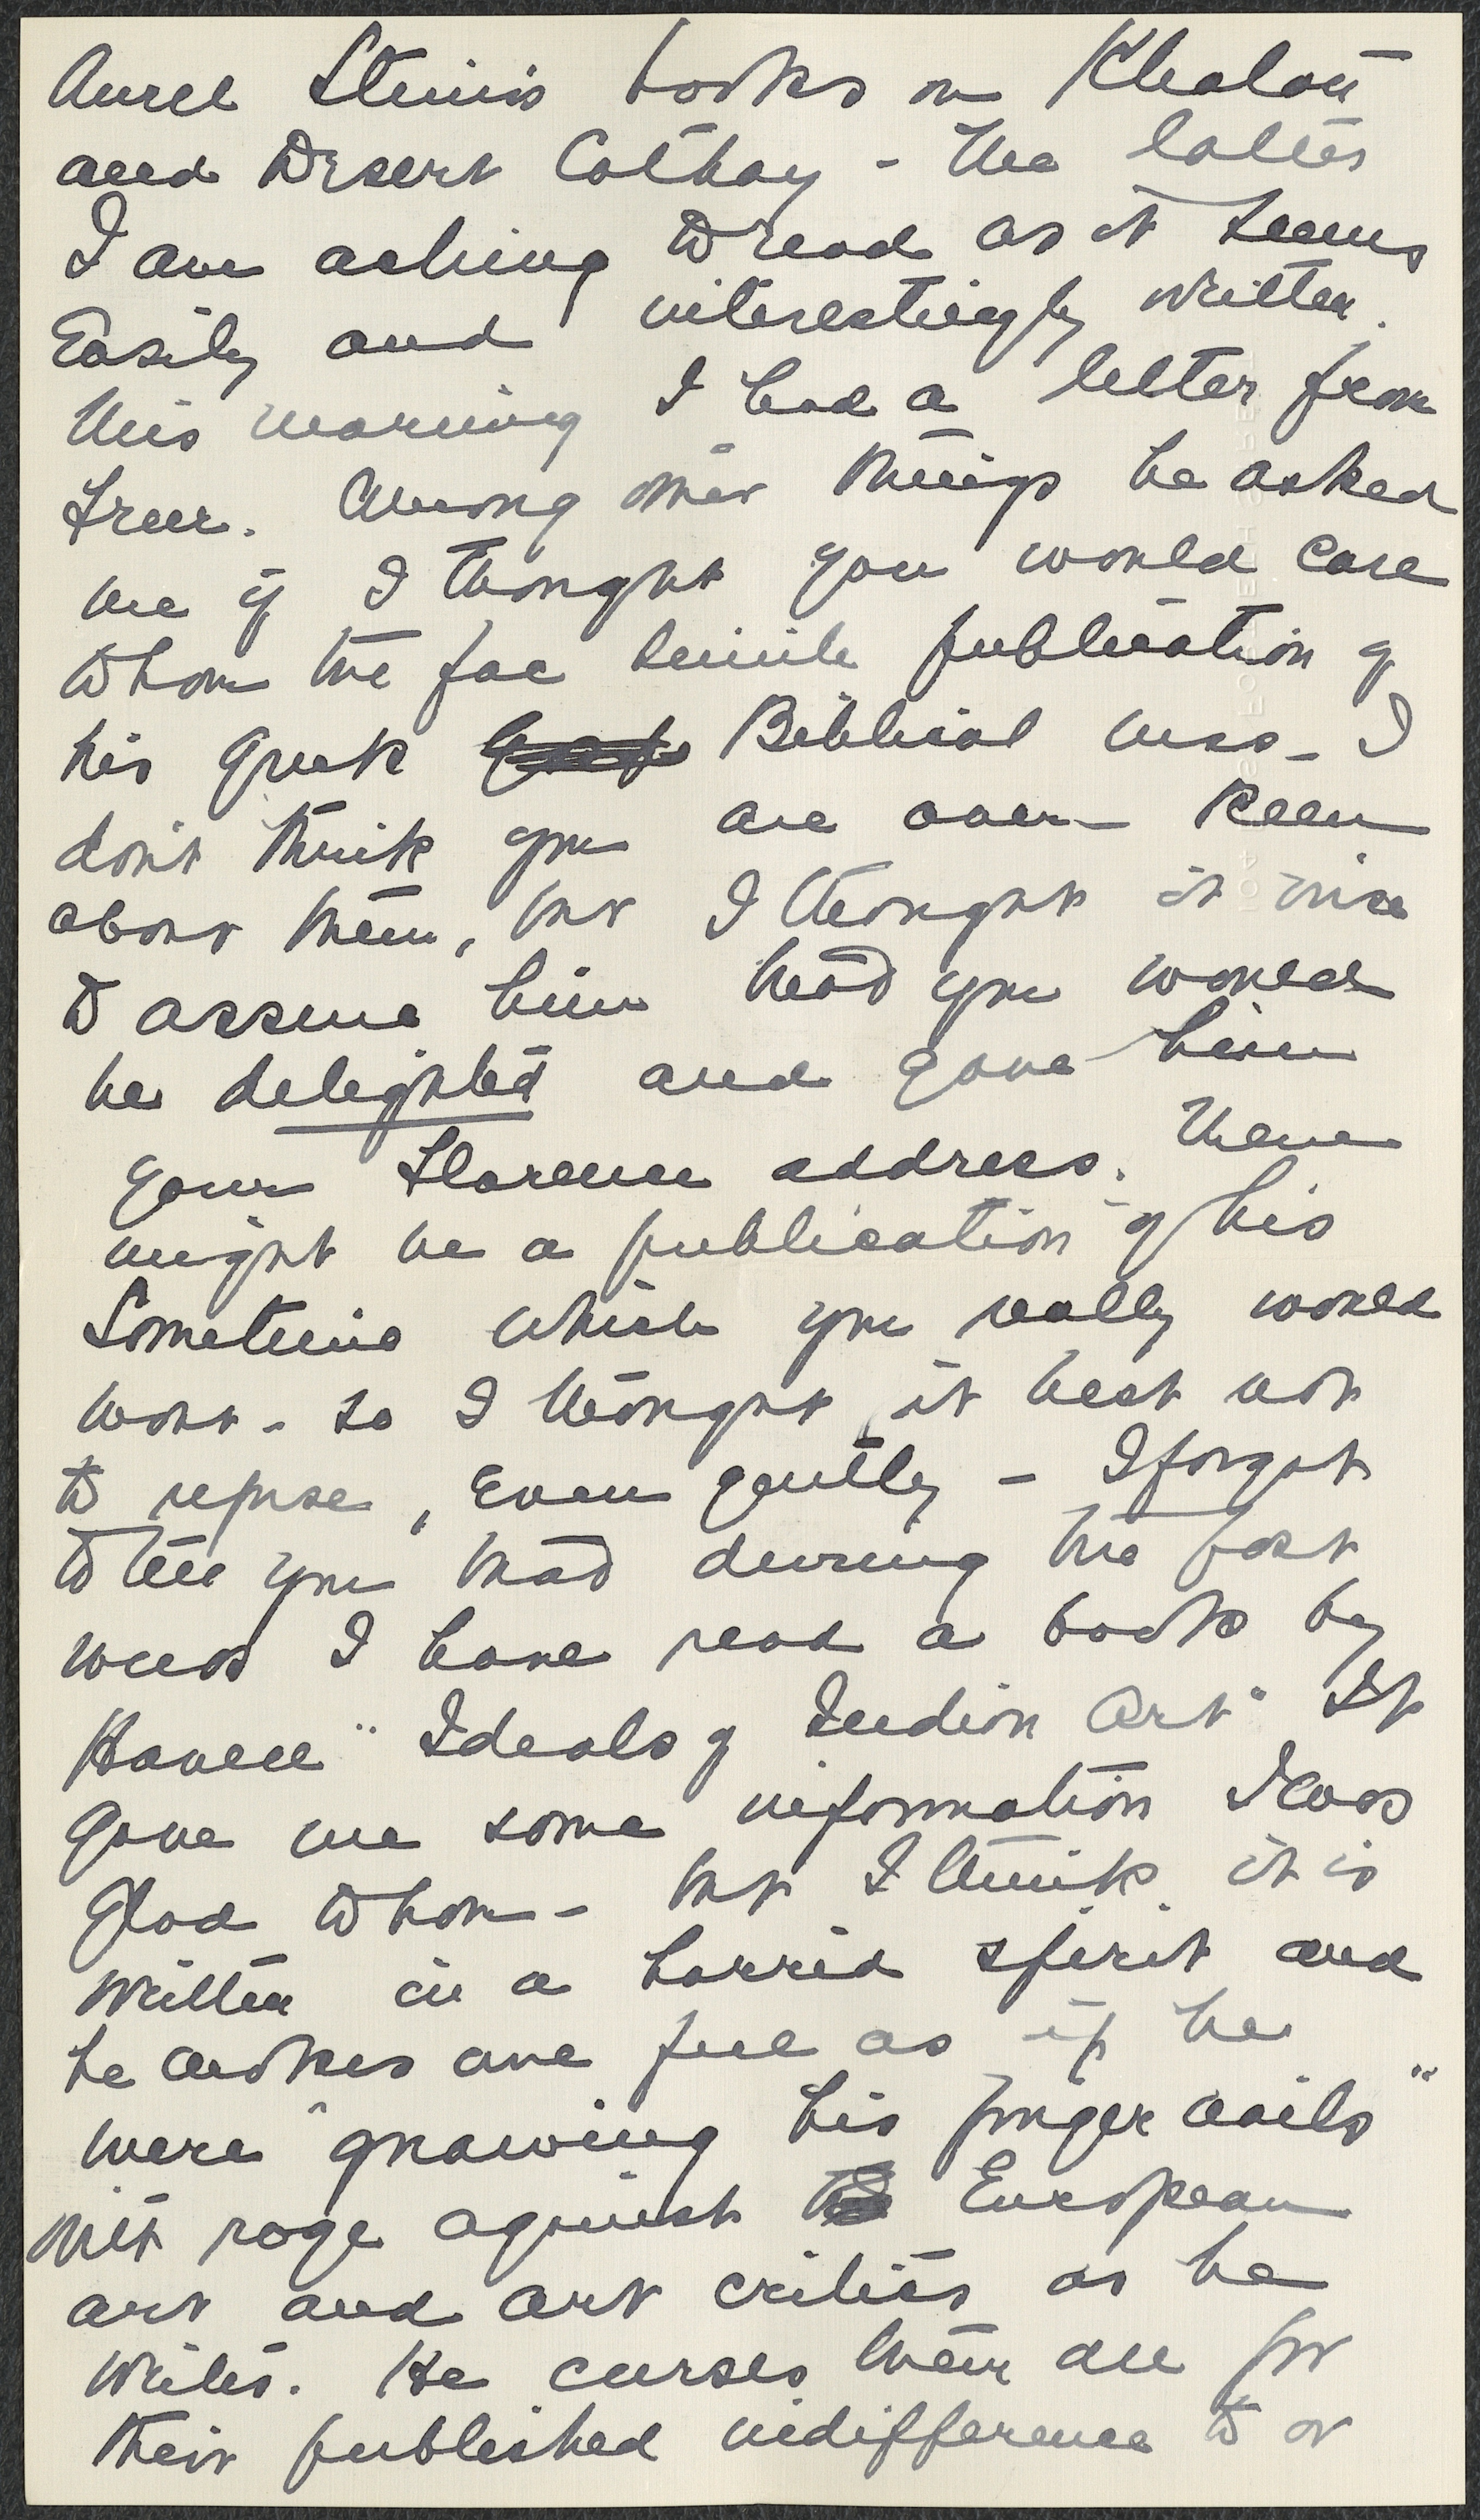Aurel Stein’s books on Khatan and Desert Cathay – the latter I am asking to read as it seems easily and interestingly written. This morning I had a letter from Freer. Among other things he asked me if I thought you would care to have the facsimile publication of his Greek Gosp Biblical mss – I don’t think you are over-keen about them, but I thought it wise to assure him that you would be delighted and gave him your Florence address. There might be a publication of his sometime which you really would want – so I thought it best not to refuse, even gently – I forgot to tell you that during the past weeks I have read a book by Havell “Ideals of Indian Art” It gave me some information I was glad to have – but I think it is written in a horrid spirit and he makes me feel as if he were “gnawing his fingernails” with rage against I European art and art critics as he writes. He curses them all for their published indifference to or